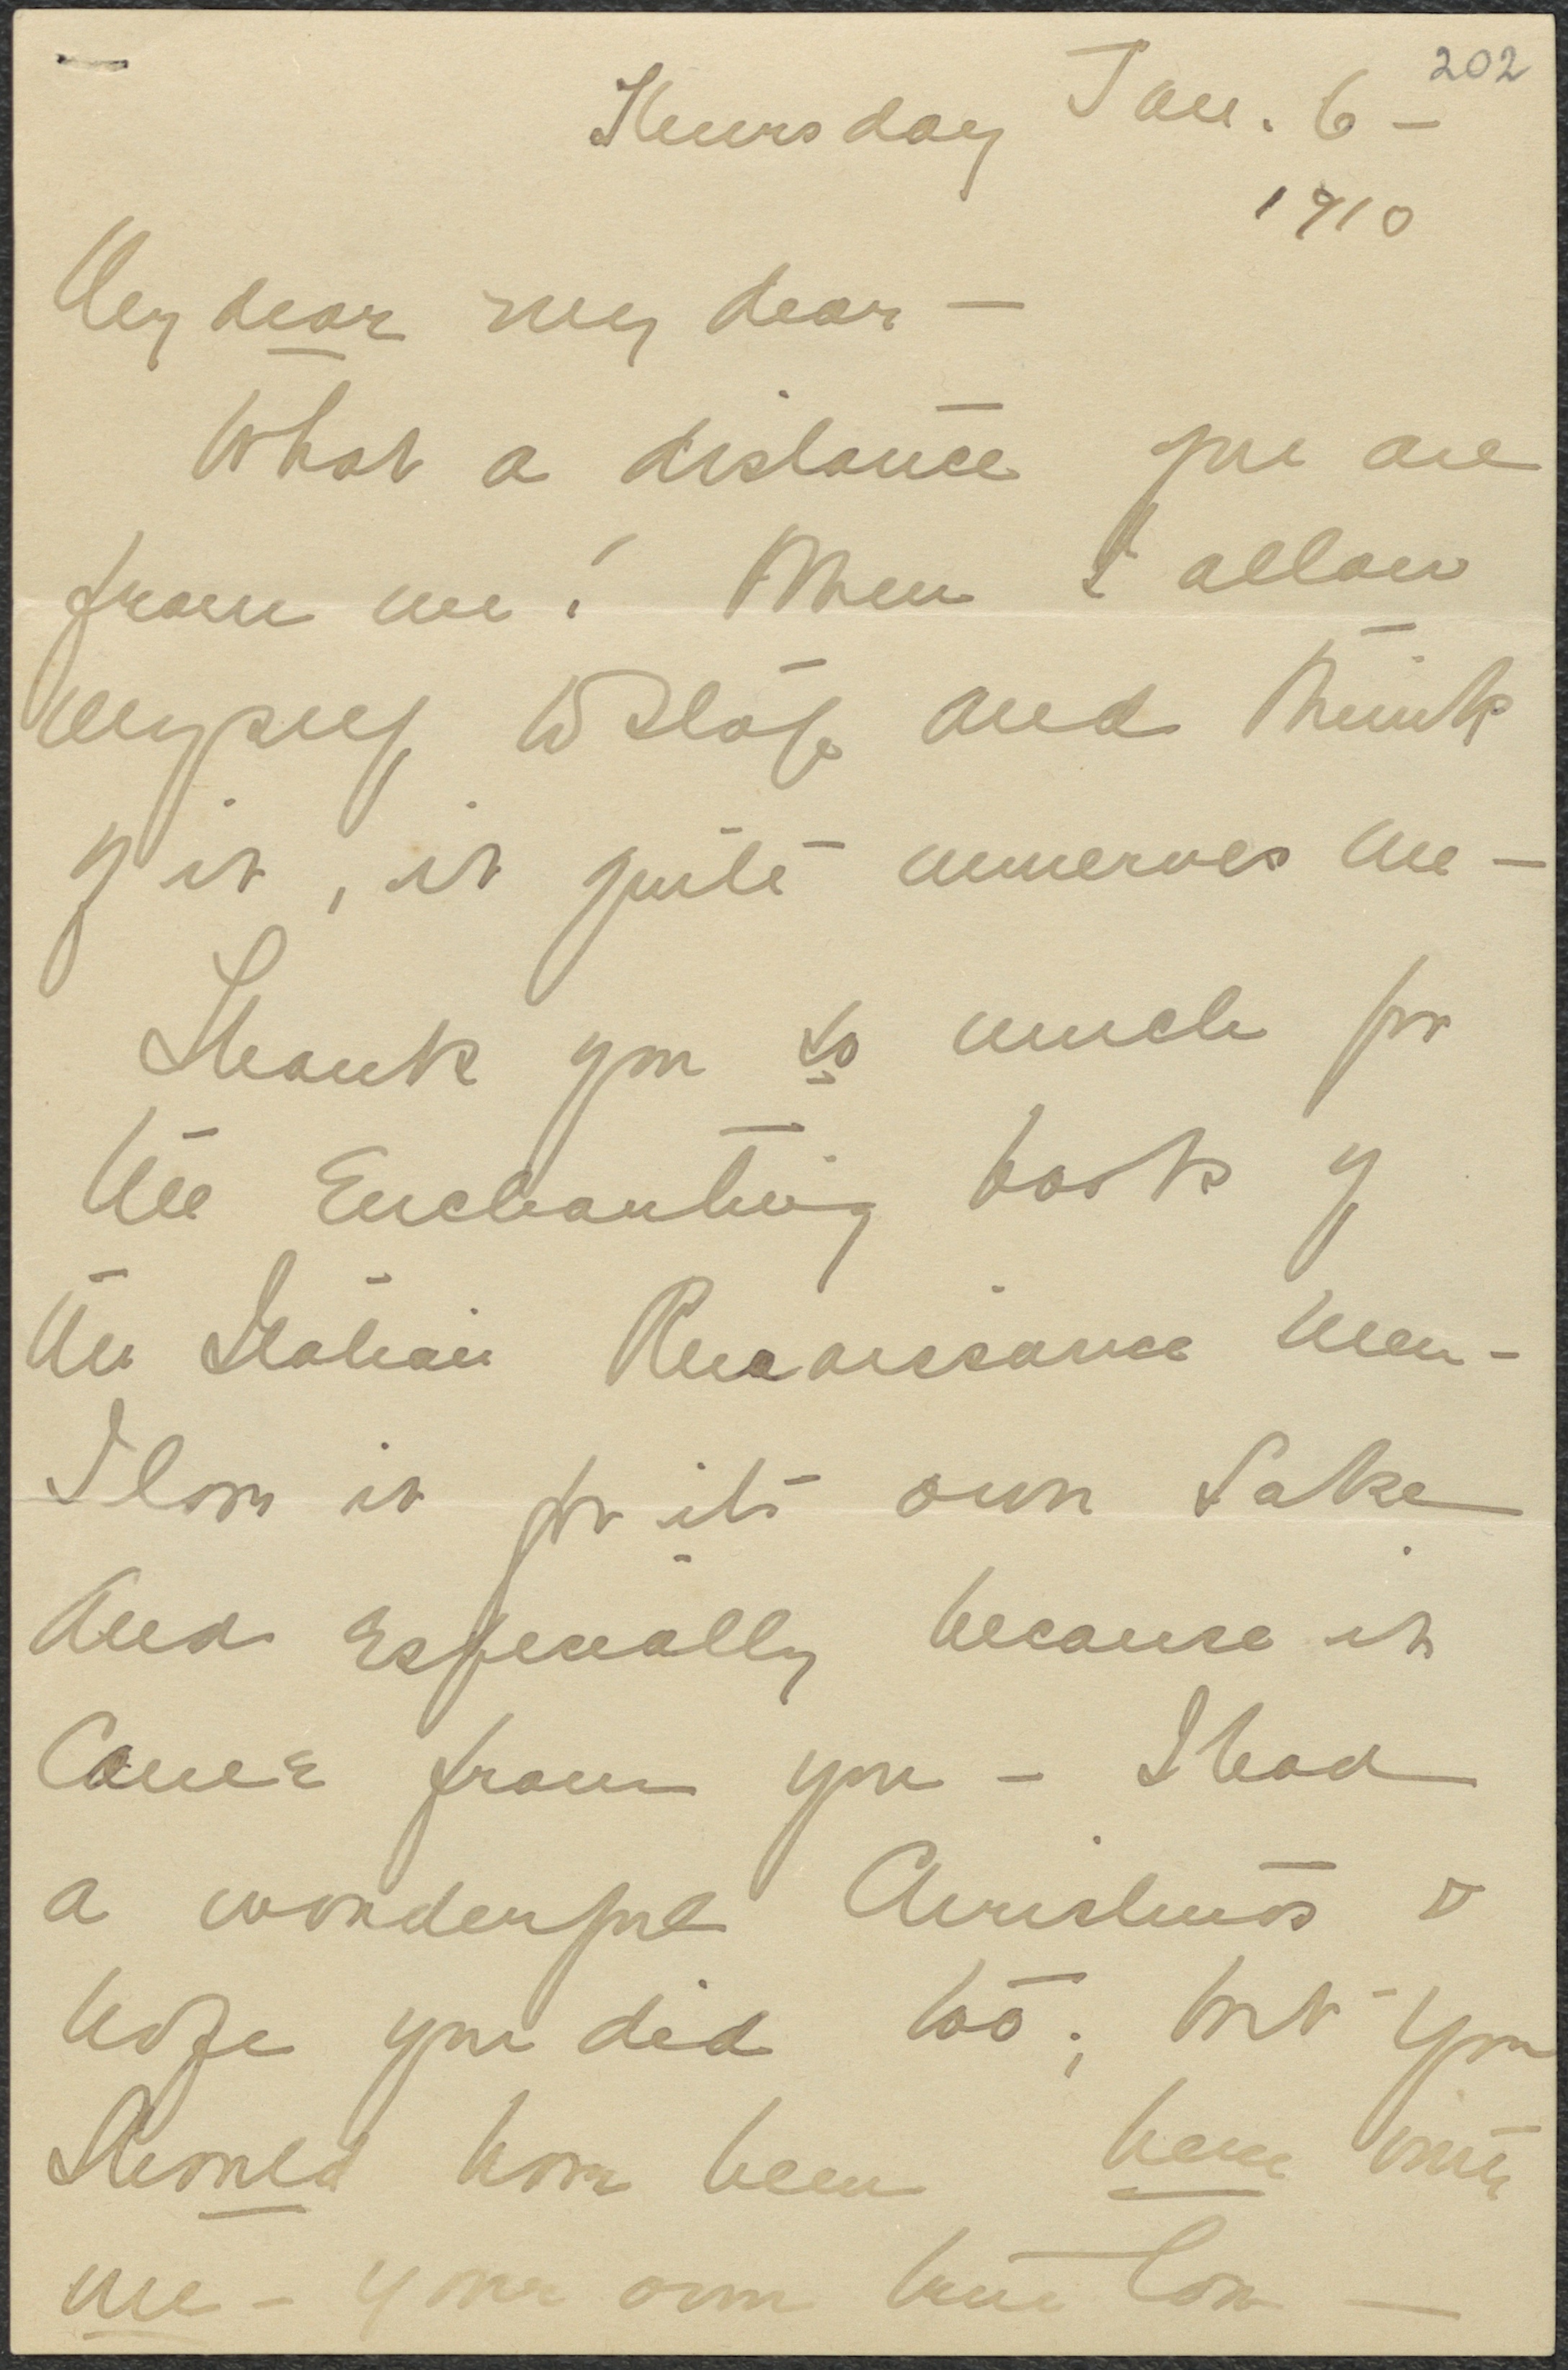Thursday Jan. 6 –
1910
My dear my dear –
What a distance you are from me! When I allow myself to stop and think of it, it quite unnerves me –
Thank you so much for the enchanting book of the Italian Renaissance men – I love it for its own sake and especially because it came from you – I had a wonderful Christmas & hope you did too; but you should have been here with me – your own true love –